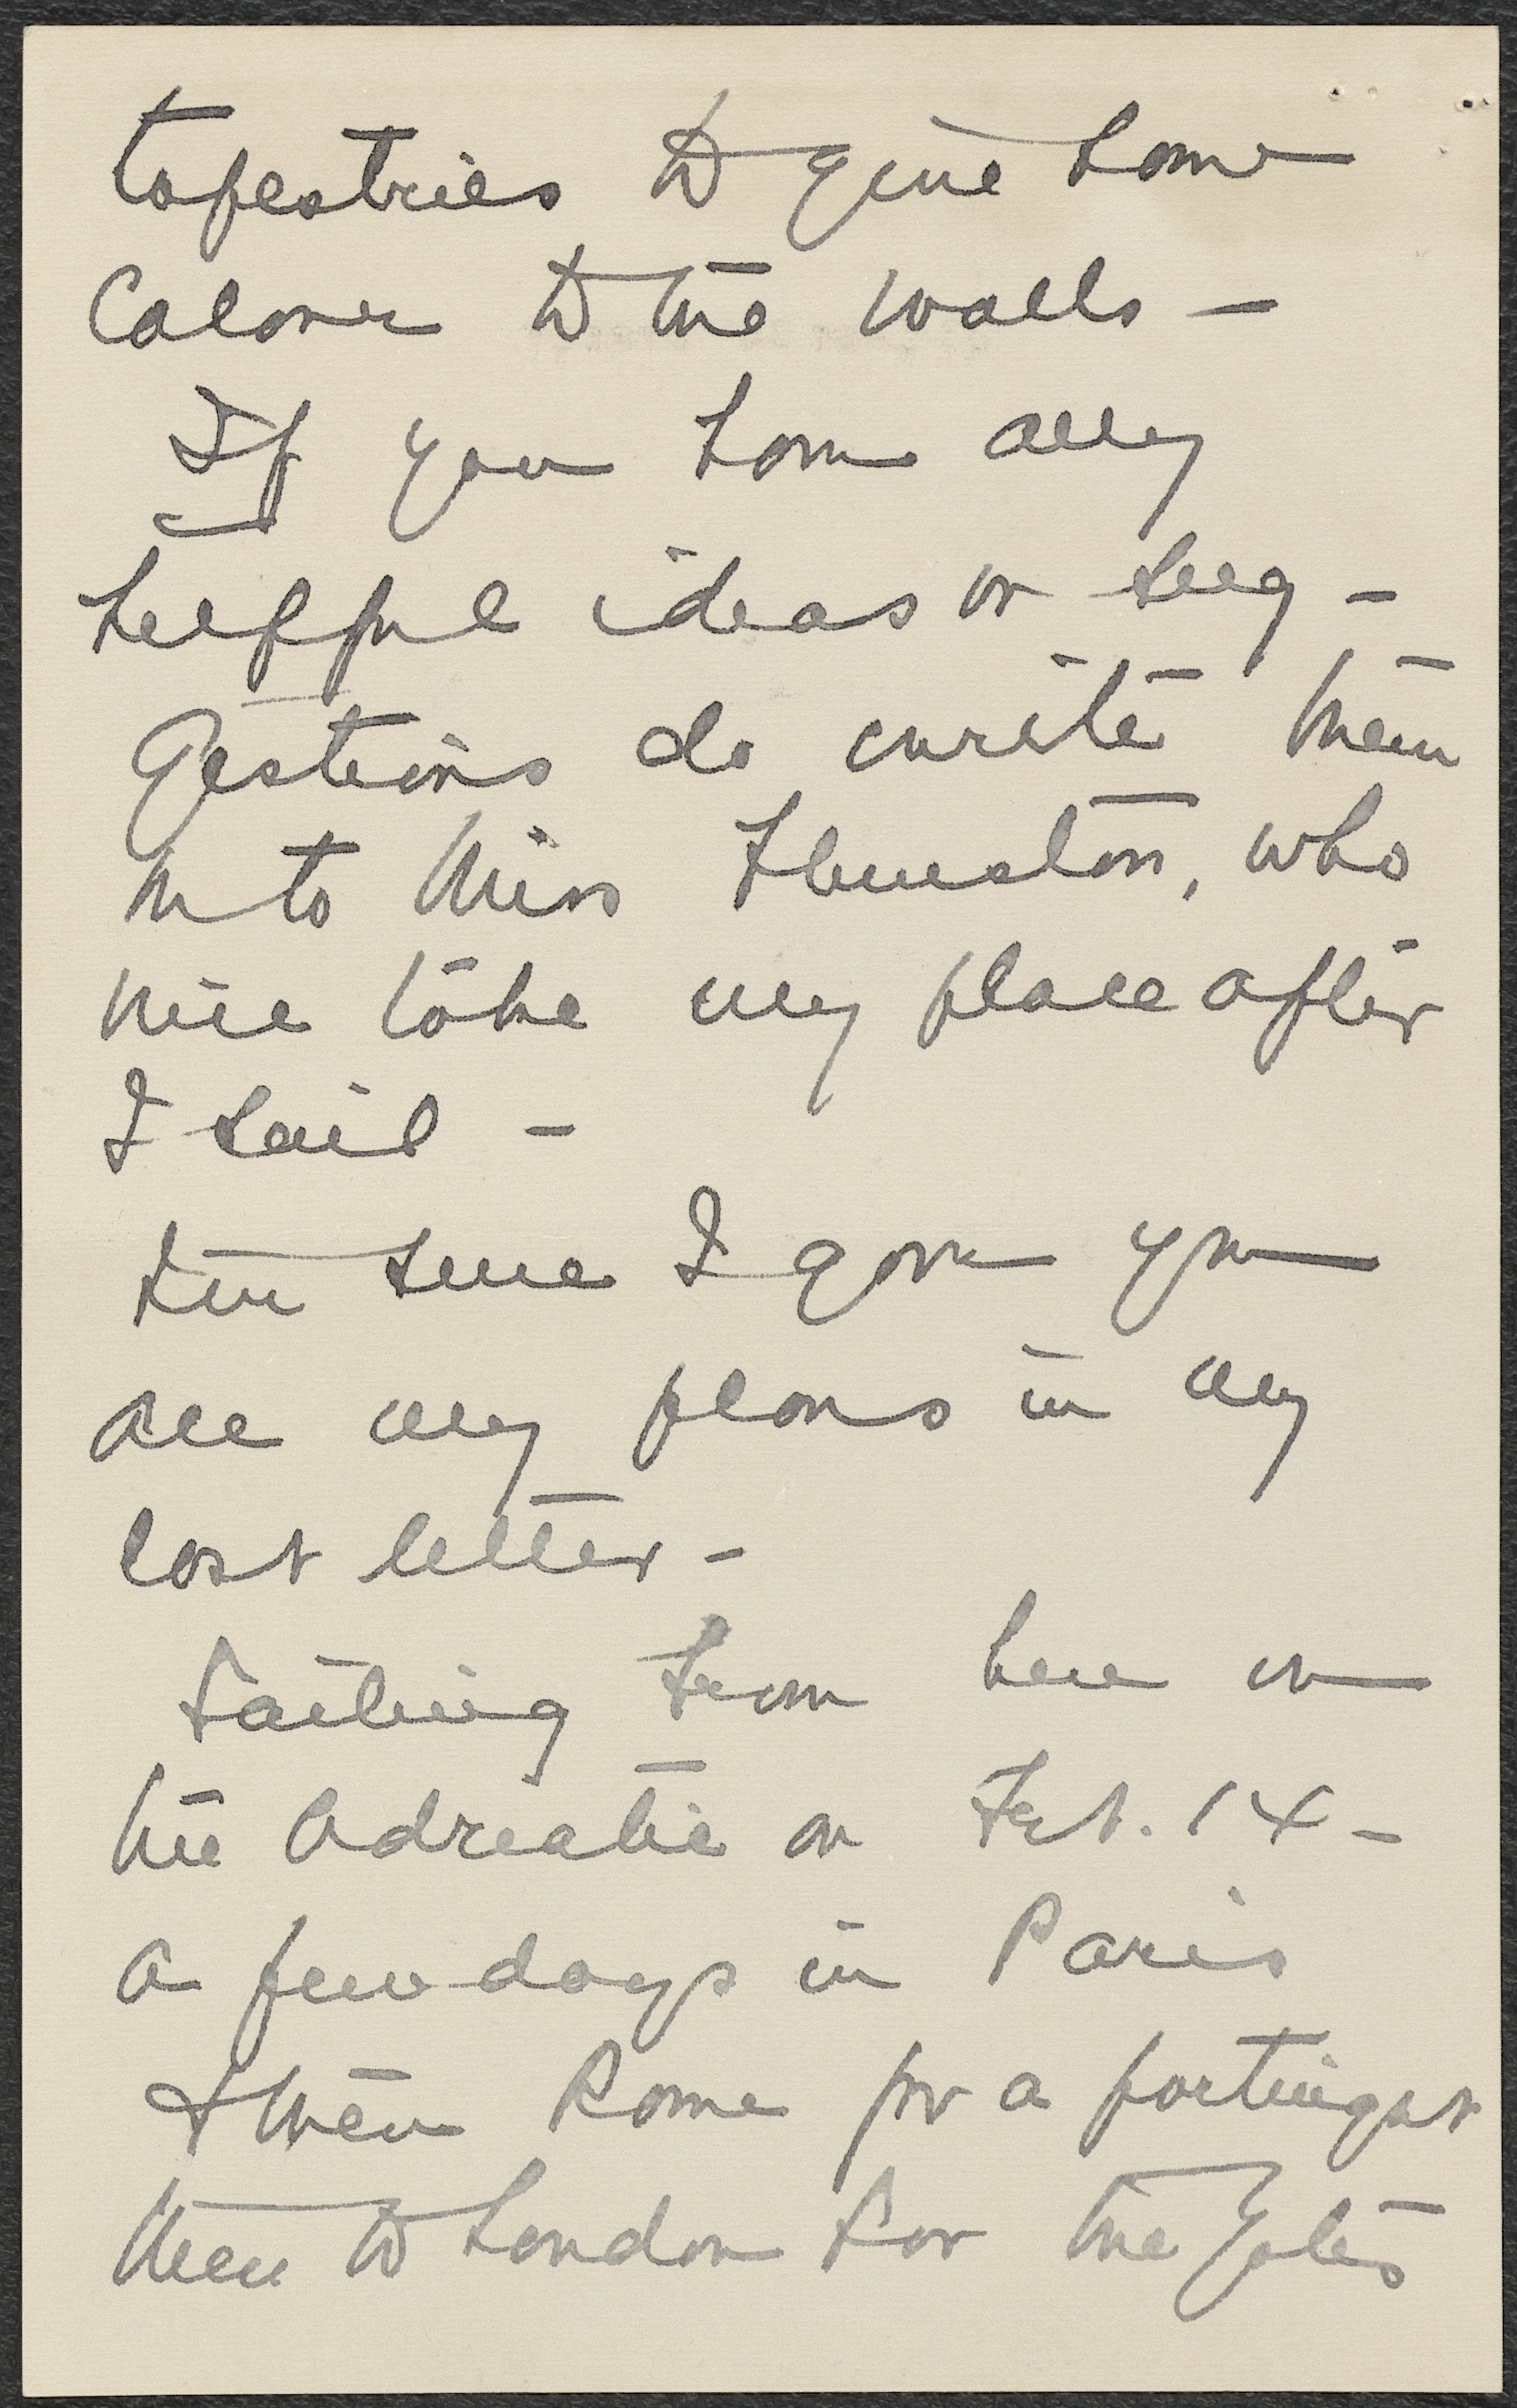tapestries to give some colour to the walls –
If you have any helpful ideas or suggestions do write them on to Miss Thurston, who will take my place after I sail –
I'm sure I gave you all my plans in my last letter –
Sailing from here on the Adriatic on Feb. 14 – a few days in Paris & then Rome for a fortnight then to London for the Yates